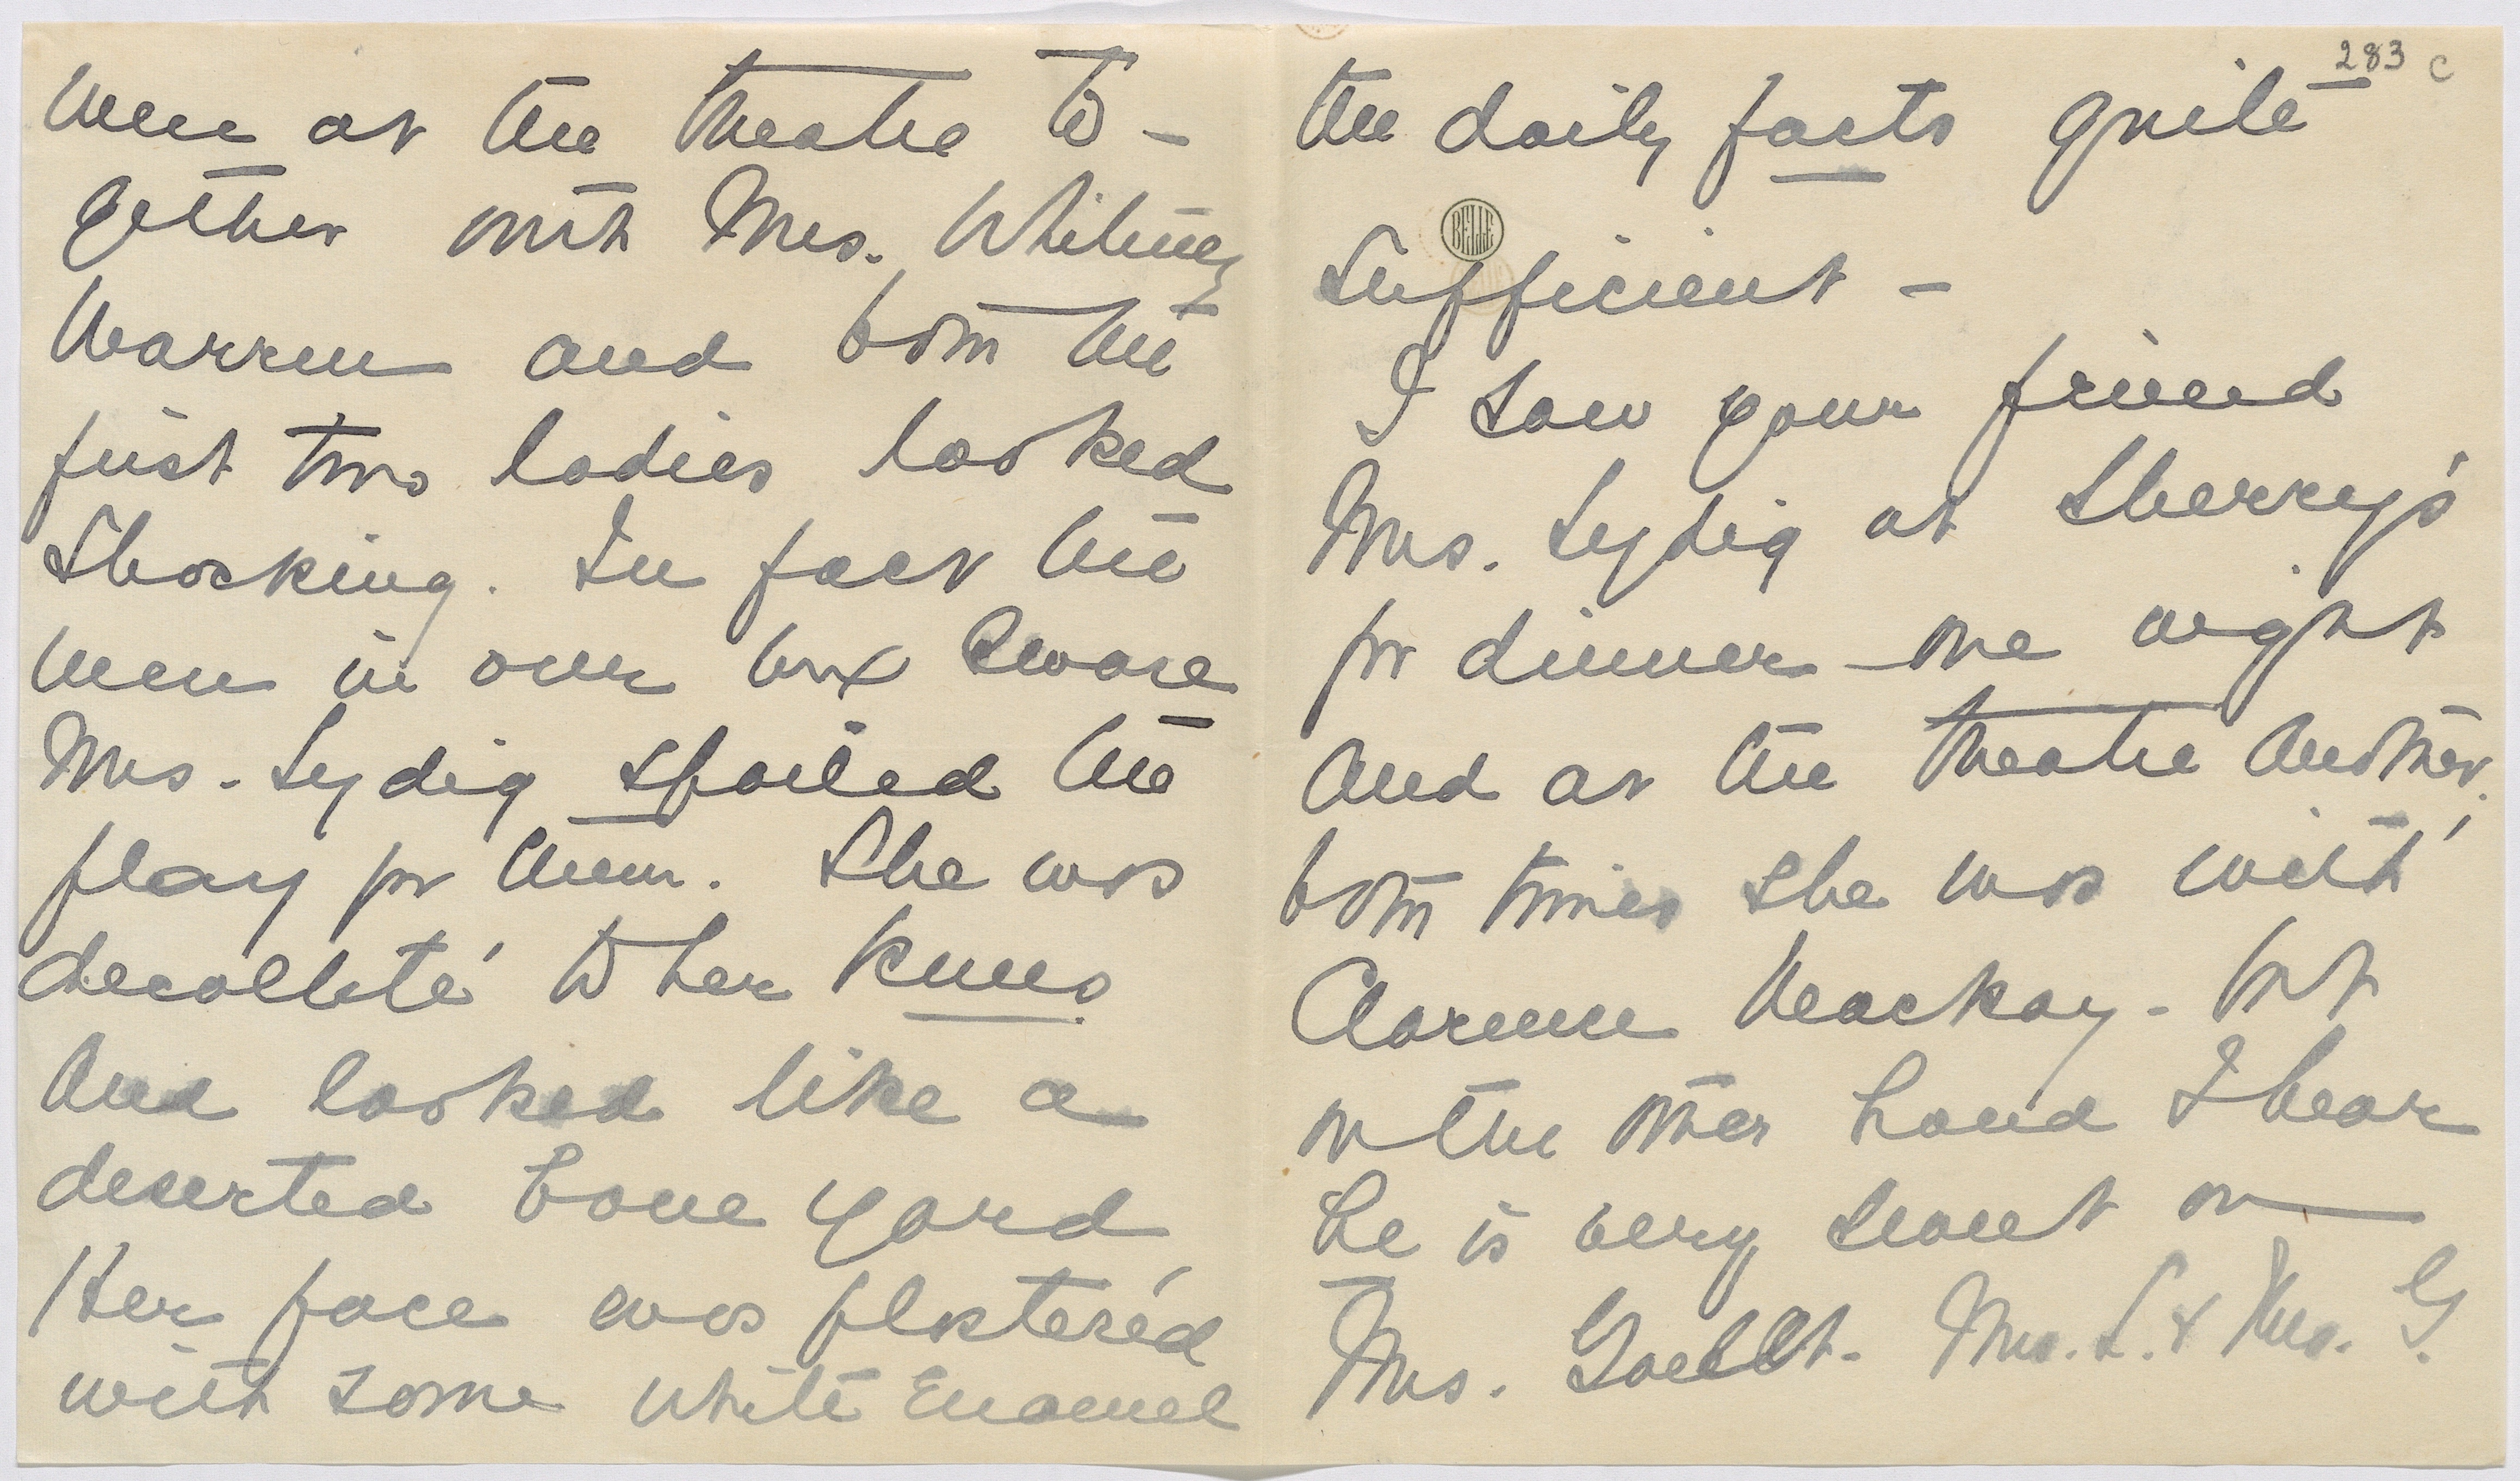the daily facts quite sufficient –
I saw your friend Mrs. Lydig at Sherry’s for dinner one night and at the theatre another; both times she was with Clarence Mackay – but on the other hand I hear he is very sweet on Mrs. Gault – Ms. L & Ms. G.
were at the theatre together with Mrs. Whitney Warren and both the first two ladies looked shocking. In fact the men in our box swore Mrs. Lydig spoiled the play for them. She was decolleté to her knees and looked like a deserted bone yard. Her face was plastered with some white enamel